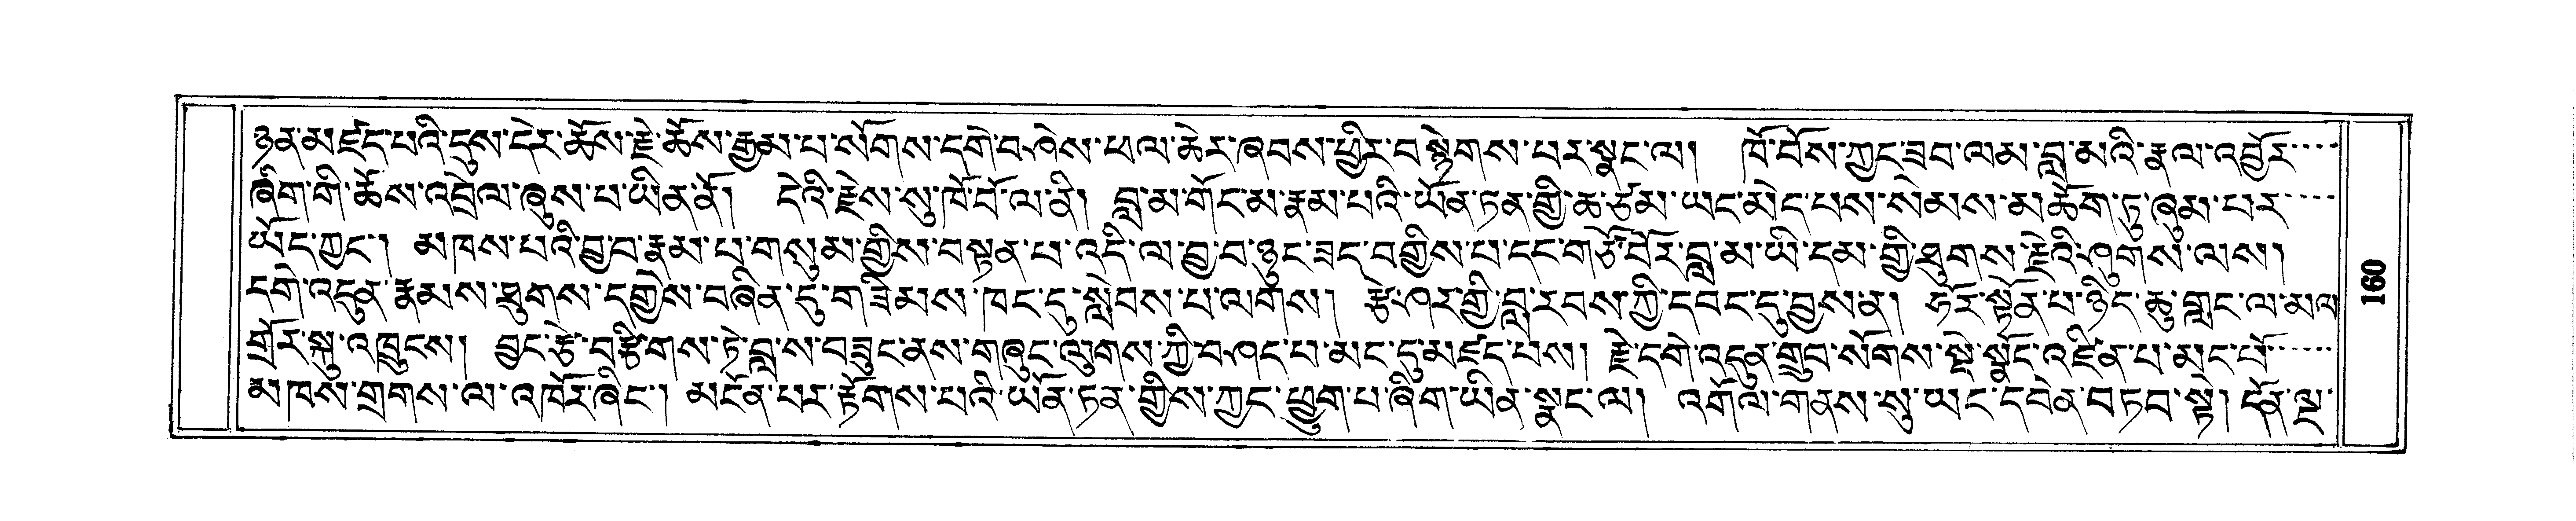ཉན་མཛད་པའི་དུས་དེར་ཆོས་རྗེ་ཆོས་རྒྱམ་པ་སོགས་དགེ་བཤེས་ཕལ་ཆེར་ཞབས་ཕྱིར་བསྙེགས་པར་སྣང་ལ། ཁོ་བོས་ཀྱང་ཟབ་ལམ་བླ་མའི་རྣལ་འབྱོར་
ཞིག་གི་ཆོས་འབྲེལ་ཞུས་པ་ཡིན་ནོ། དེའི་རྗེས་སུ་ཁོ་བོ་ལ་ནི། བླ་མ་གོང་མ་རྣམ་པའི་ཡོན་ཏན་གྱི་ཆ་ཙམ་ཡང་མེད་པས་སེམས་མཆོག་ཏུ་ཞུམ་པར་
ཡོད་ཀྱང་། མཁས་པའི་བྱ་བ་རྣམ་པ་གསུམ་གྱིས་བསྟན་པ་འདི་ལ་བྱ་བ་ཉུང་ཟད་བགྱིས་པ་དང་གཙོ་བོར་བླ་མ་ཡི་དམ་གྱི་ཐུགས་རྗེའི་ཤུགས་ལས།
དགེ་འདུན་རྣམས་ཐུགས་དགྱེས་བཞིན་དུ་གཟིམས་ཁང་དུ་སླེབས་པ་ལགས། རྩེ་ཤར་གྱི་བླ་རབས་ཀྱི་དབང་དུ་བྱས་ན། ཧོར་སྟོན་པ་ཉིད་ཆུ་གླང་ལ་མལ་
གྲོར་སྐུ་འཁྲུངས། བྱང་རྩེ་བརྩིགས་ཏེ་བླ་ས་བཟུང་ནས་གཞུང་ལུགས་ཀྱི་བཤད་པ་མང་དུ་མཛད་པས། རྗེ་དགེ་འདུན་གྲུབ་སོགས་སྡེ་སྣོད་འཛིན་པ་མང་པོ་
མཁས་གྲགས་ལ་འཁོར་ཞིང་། མངོན་པར་རྟོགས་པའི་ཡོན་ཏན་གྱིས་ཀྱང་ཕྱུག་པ་ཞིག་ཡིན་སྣང་ལ། འགོལ་གནས་སུ་ཡང་དབེན་བཏབ་སྟེ། དོན་ལྔ་